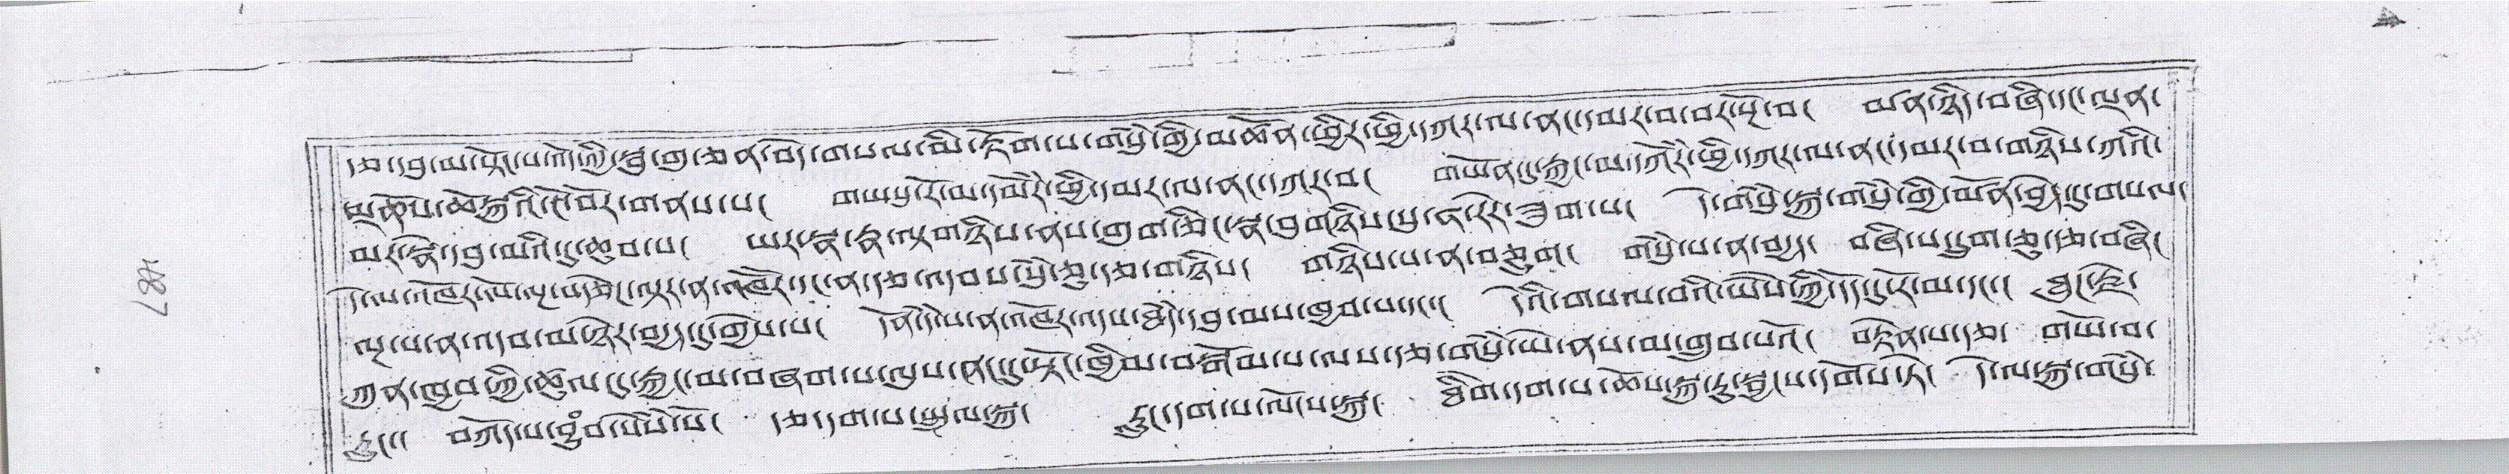རྩ་དབུ་མ་སྟོང་པ་འོད་ཀྱི་སྦུ་གུ་ཅན་བདེ་གསལ་མི་རྟོག་པ་གསུམ་གྱི་མཚོན་ཕྱིར་ཕྱི་དཀར་ལ་ནང་དམར་བ་བར་སྔོ་བ། མཚན་ཉིད་བཞི་དང་ལྡན་
པ་ཆོས་སྐུའི་ངོ་བོར་གནས་པ། གཡས་སུ་རོ་མ་དམར་མོ་ཕྱི་དམར་ལ་ནང་དཀར་བ། གཡོན་དུ་རྐྱང་མ་དཀར་མོ་ཕྱི་དཀར་ལ་ནང་དམར་བ། གཉིས་ཀའི་
མར་སྣེ་དབུ་མའི་ནང་དུ་ཆུབ་པ། ཡར་སྣེ་རྣ་ལྟག་གཉིས་ནས་གུག་ཅིང་སྣ་བུག་གཉིས་སུ་ཧ་རེར་ཟུག་པ། དེ་གསུམ་སྐུ་གསུམ་གྱི་མཚོན་བྱེད་དུ་གསལ། 
དེ་ལ་འཁོར་ལོ་ལྔ་བརྩེགས་ལྟར་ན། འཁོར་ལོ་དང་པོ་ན་རྩ་འདབ་སུམ་ཅུ་རྩ་གཉིས། གཉིས་པ་ན་བཅུ་དྲུག གསུམ་པ་ན་བརྒྱད། བཞི་པ་དྲུག་ཅུ་རྩ་བཞི། 
ལྔ་པ་ན་འདབ་མ་ཉེར་བརྒྱད་དུ་གྱེས་པ། དོན་དམ་པ་ན་འཁོར་འདས་ཐམས་ཅད་དབུ་མས་ཁྱབ་པ་དང་། དེའི་གསལ་བའི་ཡེ་ཤེས་ཀྱི་དོད་དུ་རོ་མ་དང་། ཐུགས་རྗེ་
ཀུན་ཁྱབ་ཀྱི་ཚུལ་དུ་རྐྱང་མ་བཞག་པ་ལུས་ནང་དུ་སྟོང་ཁྱིམ་བསྒོམ་པ་ལས་རྩ་གསུམ་ཡེ་ནས་མ་གྲུབ་པའོ། བརྟེན་པ་རྩ། གཡོ་བ་
རླུང་། བཀོད་པ་བྱང་ཆུབ་སེམས་སོ། རྩ་དག་པ་སྤྲུལ་སྐུ། རླུང་དག་པ་ལོངས་སྐུ། ཐིག་ལེ་དག་པ་ཆོས་སྐུ་རུ་སྦྱངས་དགོས་ཏེ། དེ་ལ་སྐུ་གསུམ་